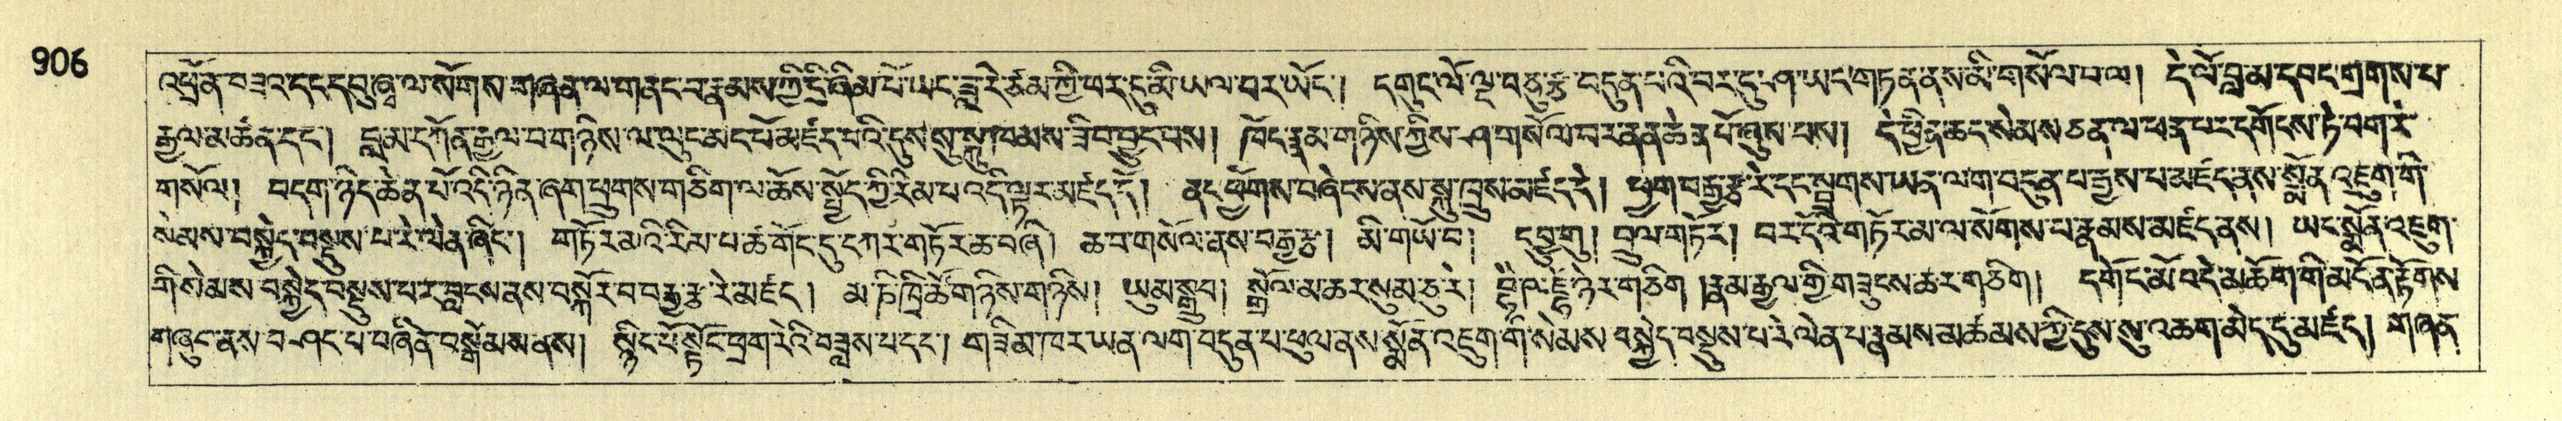འཕྲོན་བཟའ་དང་དབུ་ཞྭ་ལ་སོགས་གཞན་ལ་གནང་བ་རྣམས་ཀྱི་དྲི་ཞིམ་པོ་ཡང་ཟླ་རེ་ཙམ་ཀྱི་ཕར་དུ་མི་ཡལ་བར་ཡོང་། དགུང་ལོ་ལྔ་བཅུ་རྩ་བདུན་པའི་བར་དུ་ཤ་ཡང་གཏན་ནས་མི་གསོལ་བ་ལ། དེ་ལོ་བླ་མ་དབང་གྲགས་པ་
རྒྱལ་མཚན་དང་། བླ་མ་དཀོན་རྒྱལ་བ་གཉིས་ལ་ལུང་མང་པོ་མཛད་པའི་དུས་སུ་སྐུ་ཁམས་ཟིབ་བྱུང་བས། ཁོང་རྣམ་གཉིས་ཀྱིས་ཤ་གསོལ་བར་ནན་ཆེན་པོ་ཞུས་པས། དེ་ཕྱིན་ཆད་སེམས་ཅན་ལ་ཕན་པར་དགོངས་ཏེ་བག་རེ་
གསོལ། བདག་ཉིད་ཆེན་པོ་འདི་ཉིན་ཞག་ཕྲུགས་གཅིག་ལ་ཆོས་སྤྱོད་ཀྱི་རིམ་པ་འདི་ལྟར་མཛད་དོ། ནང་ཕྱོགས་བཞེངས་ནས་སྐུ་ཁྲུས་མཛད་དེ། ཕྱག་བརྒྱ་རྩ་རེ་དང་སྦྲགས་ཡན་ལག་བདུན་པ་རྒྱས་པ་མཛད་ནས་སྨོན་འཇུག་གི་
སེམས་བསྐྱེད་བསྡུས་པ་རེ་ལེན་ཞིང་། གཏོར་མའི་རིམ་པ་ཚ་གོང་དུ་དཀར་གཏོར་ཆ་བཞི། ཆ་བ་གསོལ་ནས་བརྒྱ་རྩ། མི་གཡོ་བ། དབྱུ་གུ། བྲུལ་གཏོར། བར་དོའི་གཏོར་མ་ལ་སོགས་པ་རྣམས་མཛད་ནས། ཡང་སྨོན་འཇུག་
གི་སེམས་བསྐྱེད་བསྡུས་པར་བླངས་ནས་བསྐོར་བ་བརྒྱ་རྩ་རེ་མཛད། མ་ཎི་ཁྲི་ཚོ་གཉིས་གཉིས། ཡུམ་སྒྲུབ། སྒྲོལ་མ་ཆར་སུམ་ཅུ་རེ། བྷཻ་ཥ་ཛྷེ་ཉེར་གཅིག །རྣམ་རྒྱལ་གྱི་གཟུངས་ཆར་གཅིག། དགོང་མོ་བདེ་མཆོག་གི་མངོན་རྟོགས་
གཞུང་ནས་བཤད་པ་བཞིན་བསྒོམས་ནས། སྙིང་པོ་སྟོང་ཕྲག་རེའི་བཟླས་པ་དང་། གཟིམ་ཁར་ཡན་ལག་བདུན་པ་ཕུལ་ནས་སྨོན་འཇུག་གི་སེམས་བསྐྱེད་བསྡུས་པ་རེ་ལེན་པ་རྣམས་མཚམས་ཀྱི་དུས་སུ་འཆག་མེད་དུ་མཛད། གཞན་